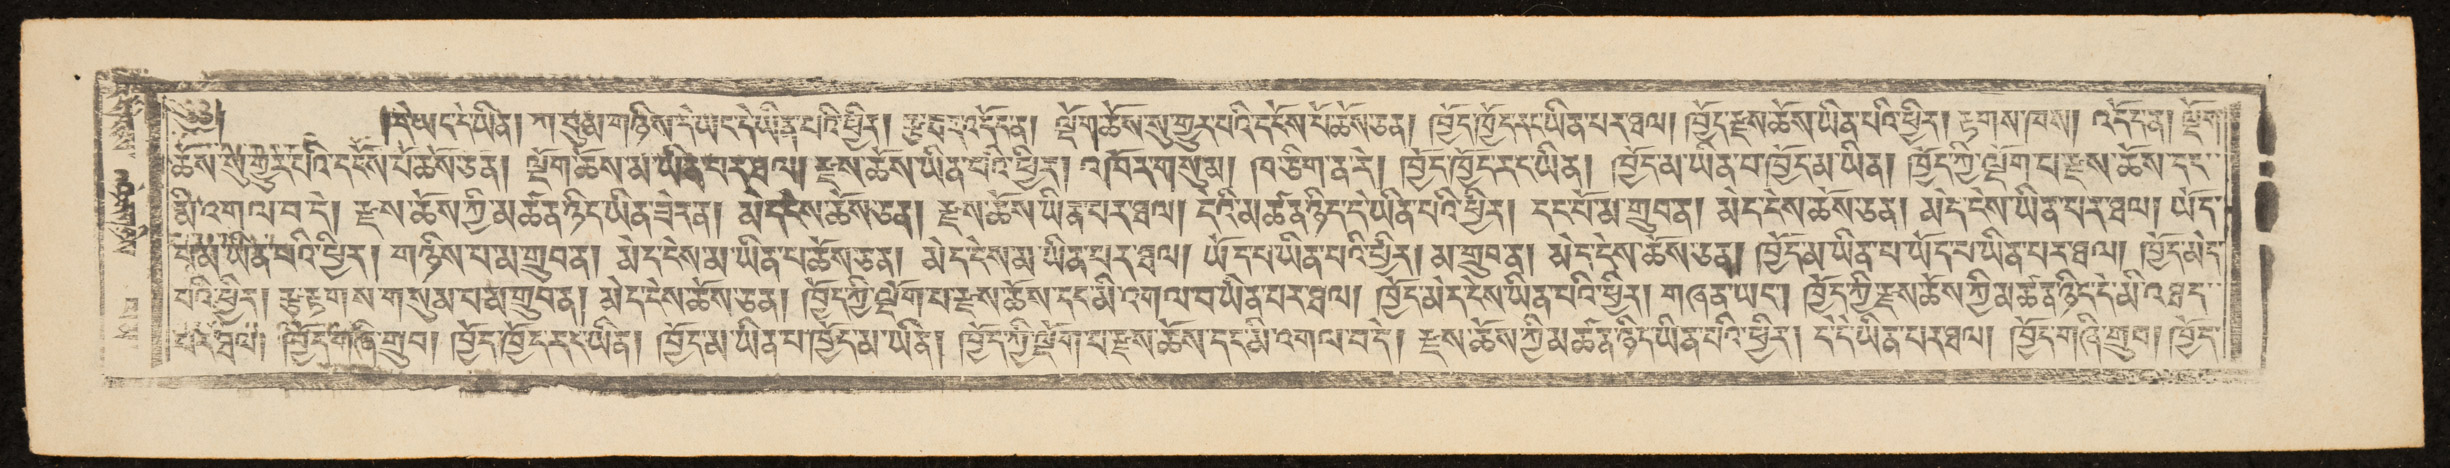༄༅། །དེ་ཡང་དེ་ཡིན། ཀ་བུམ་གཉིས་དེ་ཡང་དེ་ཡིན་པའི་ཕྱིར། རྩ་བར་འདོད་ན། ལྡོག་ཆོས་སུ་གྱུར་བའི་དངོས་པོ་ཆོས་ཅན། ཁྱོད་ཁྱོད་རང་ཡིན་པར་ཐལ། ཁྱོད་རྫས་ཆོས་ཡིན་པའི་ཕྱིར། རྟགས་ཁས། འདོད་ན། ལྡོག་
ཆོས་སུ་གྱུར་བའི་དངོས་པོ་ཆོས་ཅན། ལྡོག་ཆོས་མ་ཡིན་པར་ཐལ། རྫས་ཆོས་ཡིན་པའི་ཕྱིར། འཁོར་གསུམ། ཁ་ཅིག་ན་རེ། ཁྱོད་ཁྱོད་རང་ཡིན། ཁྱོད་མ་ཡིན་པ་ཁྱོད་མ་ཡིན། ཁྱོད་ཀྱི་ལྡོག་པ་རྫས་ཆོས་དང་
མི་འགལ་བ་དེ། རྫས་ཆོས་ཀྱི་མཚན་ཉིད་ཡིན་ཟེར་ན། མེད་ངེས་ཆོས་ཅན། རྫས་ཆོས་ཡིན་པར་ཐལ། དེའི་མཚན་ཉིད་དེ་ཡིན་པའི་ཕྱིར། དང་པོ་མ་གྲུབ་ན། མེད་ངེས་ཆོས་ཅན། མེད་ངེས་ཡིན་པར་ཐལ། ཡོད་
པ་མ་ཡིན་པའི་ཕྱིར། གཉིས་པ་མ་གྲུབ་ན། མེད་ངེས་མ་ཡིན་པ་ཆོས་ཅན། མེད་ངེས་མ་ཡིན་པར་ཐལ། ཡོད་པ་ཡིན་པའི་ཕྱིར། མ་གྲུབ་ན། མེད་ངེས་ཆོས་ཅན། ཁྱོད་མ་ཡིན་པ་ཡོད་པ་ཡིན་པར་ཐལ། ཁྱོད་མེད་
པའི་ཕྱིར། རྩ་རྟགས་གསུམ་པ་མ་གྲུབ་ན། མེད་ངེས་ཆོས་ཅན། ཁྱོད་ཀྱི་ལྡོག་པ་རྫས་ཆོས་དང་མི་འགལ་བ་ཡིན་པར་ཐལ། ཁྱོད་མེད་ངེས་ཡིན་པའི་ཕྱིར། གཞན་ཡང་། ཁྱོད་ཀྱི་རྫས་ཆོས་ཀྱི་མཚན་ཉིད་དེ་མི་འཐད་
པར་ཐལ། ཁྱོད་གཞི་གྲུབ། ཁྱོད་ཁྱོད་རང་ཡིན། ཁྱོད་མ་ཡིན་པ་ཁྱོད་མ་ཡིན། ཁྱོད་ཀྱི་ལྡོག་པ་རྫས་ཆོས་དང་མི་འགལ་བ་དེ། རྫས་ཆོས་ཀྱི་མཚན་ཉིད་ཡིན་པའི་ཕྱིར། དེ་དེ་ཡིན་པར་ཐལ། ཁྱོད་གཞི་གྲུབ། ཁྱོད་